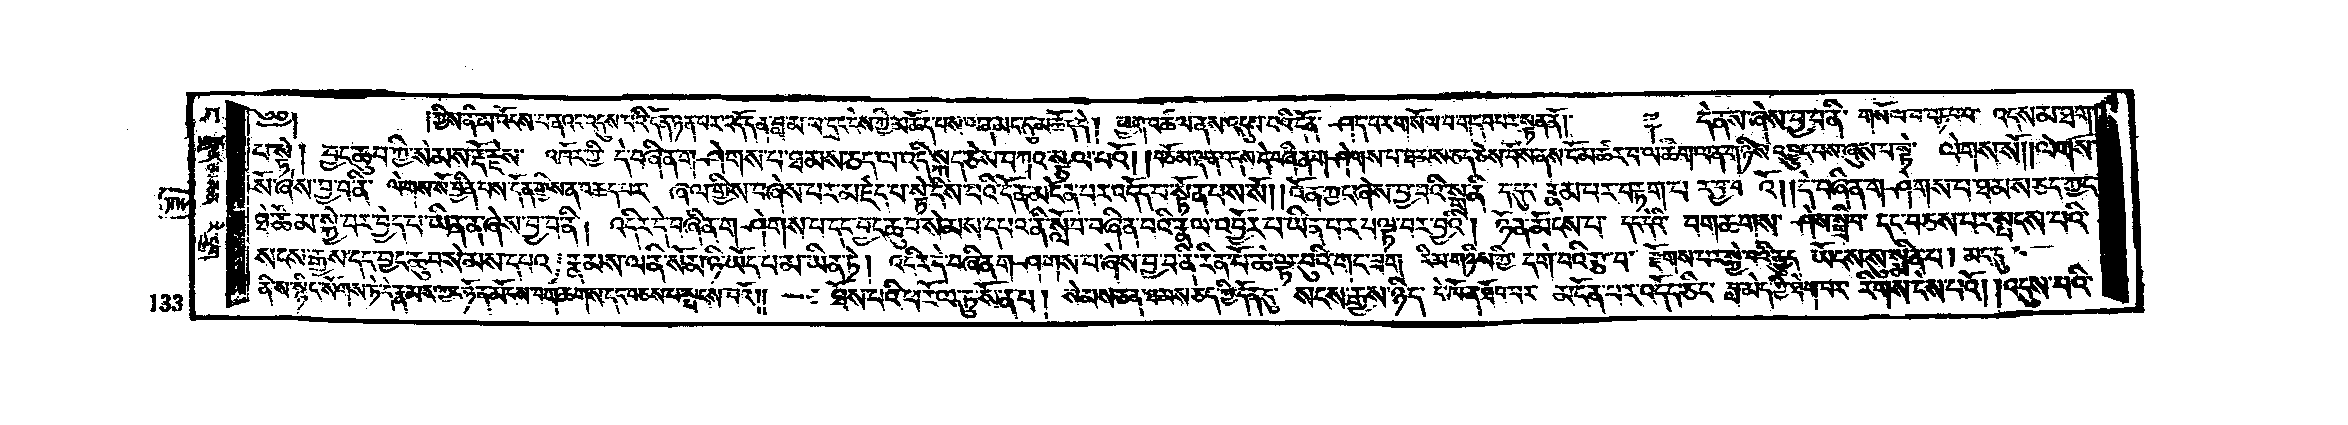༄༅། །ཀྱིས་ནི་མ་འོངས་པ་ནའང་འདུས་པའི་དོན་ཉན་པར་འདོད་ན་བླ་མ་ལ་དྲང་ངེས་ཀྱི་མཆོད་པས་ལན་མང་དུ་མཆོད་དེ། ཕྱག་འཚལ་ནས་འདུལ་བའི་དོན་བཤད་པར་གསོལ་བ་གདབ་པར་སྟན་ནོ།། ༈ དེ་ནས་ཞེས་བྱ་བ་ནི་གསོལ་བ་བཏབ་པ་འདས་མ་ཐག་
པ་སྟེ། བྱང་ཆུབ་ཀྱི་སེམས་རྡོ་རྗེས་འཁོར་གྱི་དེ་བཞིན་གཤེགས་པ་ཐམས་ཅད་ལ་འདི་སྐད་ཅེས་བཀའ་སྩལ་པའོ། ། བཅོམ་ལྡན་འདས་དེ་བཞིན་གཤེགས་པ་ཐམས་ཅད་ཅེས་མོས་ནས་ངོ་མཚར་བ་ལ་ཚིག་ལན་གཉིས་འབྱུང་པས་ཞུས་པ་སྟེ། ལེགས་སོ། །ལེགས་
སོ་ཞེས་བྱ་བ་ནི་ལེགས་སོ་བྱིན་པས་དོན་གྱིས་ན་འཆད་པར་ཞལ་གྱིས་བཞེས་པར་མཛད་པ་སྟེ་དྲིས་པའི་དོན་མངོན་པར་འདོད་པ་སྟོན་པས་སོ། །འོན་ཀྱང་ཞས་བྱ་བའི་སྒྲ་ནི་ད་དུང་རྣམ་པར་བརྟག་པར་བྱ་བའོ། །དེ་བཞིན་གཤེགས་པ་ཐམས་ཅད་ཀྱང་
ཐེ་ཚོམ་སྐྱེ་བར་བྱེད་པ་ཡིན་ན་ཞེས་བྱ་བ་ནི། འདིར་དེ་བཞིན་གཤེགས་པ་དང་བྱང་ཆུབ་སེམས་དཔའ་ནི་སློབ་བཞིན་པའི་རྣལ་འབྱོར་པ་ཡིན་པར་བལྟ་བར་བྱའི། ཉོན་མོངས་པ་དང་དེའི་བག་ཆགས་ཤེས་སྒྲིབ་དང་བཅས་པར་སྤངས་པའི་
སངས་རྒྱས་དང་བྱང་ཆུབ་སེམས་དཔའ་རྣམས་ལ་ནི་སོམ་ཉི་ཡོད་པ་མ་ཡིན་ཏེ། འདིར་དེ་བཞིན་གཤེགས་པ་ཞེས་བྱ་བ་ནི་རིན་པོ་ཆེ་ལྟ་བུའི་གང་ཟག་རིམ་གཉིས་ཀྱི་དགེ་བའི་རྩ་བ་རྫོགས་པར་སྐྱེ་བའི་རྒྱུད་ཡོངས་སུ་སྨིན་པ། མང་དུ་
ནི་ས་སྙིང་སོགས་ཏེ་དེ་རྣམས་ཀྱང་ཉོན་མོངས་བག་ཆགས་དང་བཅས་པ་སྤངས་པའོ།། ཐོས་པའི་ཕ་རོལ་ཏུ་སོན་པ། སེམས་ཅན་ཐམས་ཅད་ཀྱི་དོན་དུ་སངས་རྒྱས་ཉིད་དེ་ཁོ་ན་ཐོབ་པར་མངོན་པར་འདོད་ཅིང་བླ་མེད་ཀྱི་ཐེག་པར་རིགས་ངེས་པའོ། །འདུས་པའི་